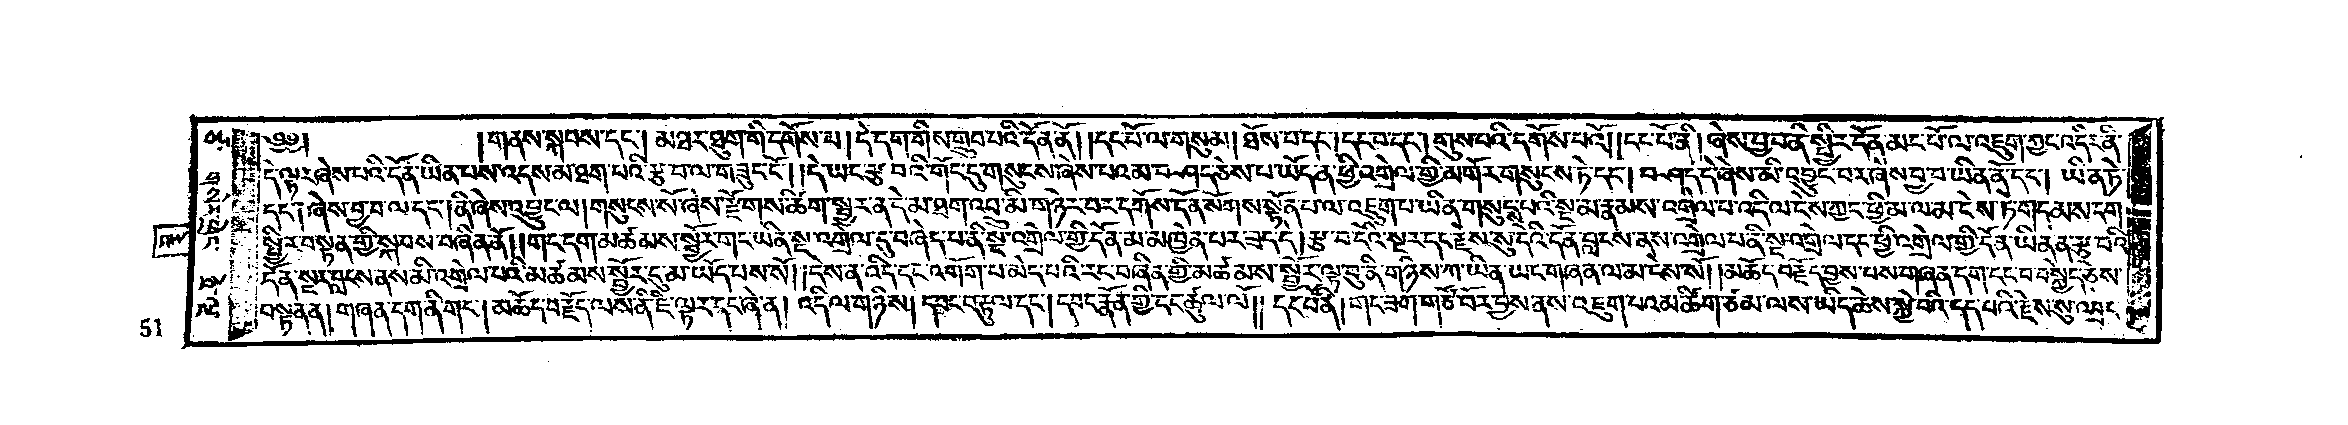༄༅། །གནས་སྐབས་དང་། མཐར་ཐུག་གི་དགོས་པ། དེ་དག་གིས་གྲུབ་པའི་དོན་ནོ། །དང་པོ་ལ་གསུམ། ཐོས་པ་དང་། དང་བ་དང་། གུས་པའི་དགོས་པའོ། །དང་པོ་ནི། ཞེས་བྱ་བ་ནི་སྤྱིར་དོན་མང་པོ་ལ་འཇུག་ཀྱང་འདིར་ནི་
དེ་ལྟར་ཞེས་པའི་དོན་ཡིན་པས་འདས་མ་ཐག་པའི་རྩ་བ་ལ་གཟུང་ངོ། །དེ་ཡང་རྩ་བའི་གོང་དུ་གསུངས་ཞེས་པའམ་བཤད་ཅེས་པ་ཡོད་ན་ཕྱི་འགྲེལ་གྱི་མགོར་གསུངས་ཏེ་དང་། བཤད་དེ་ཞེས་མི་འབྱུང་བར་ཞེས་བྱ་བ་ཡིན་ནོ་དང་། ཡིན་ཏེ་
དང་། ཞེས་བྱ་བ་ལ་དང་། ནི་ཞེས་འབྱུང་ལ། གསུངས་སོ་ཞེས་རྫོགས་ཚིག་སྦྱར་ན་དེ་མ་ཐག་འབྲུ་མི་གཉེར་བར་དགོས་དོན་སོགས་སྟོན་པ་ལ་འཇུག་པ་ཡིན་གསུངས་པའི་སྔ་མ་རྣམས་འགྲེལ་པ་འདི་ལ་ངེས་ཀྱང་ཕྱི་མ་ལ་མ་ངེས་ཏེ་གདམས་ངག་
སྤྱིར་བསྟན་གྱི་སྐབས་བཞིན་ནོ། །གང་དག་མཚམས་སྦྱོར་གང་ཡིན་སྔ་འགྲེལ་དུ་བཞེད་པ་ནི་སྔ་འགྲེལ་གྱི་དོན་མ་མཁྱེན་པར་ཟད་དེ། རྩ་བ་དེའི་སྔར་དང་རྗེས་སུ་དེའི་དོན་བླངས་ནས་འགྲེལ་པ་ནི་སྔ་འགྲེལ་དང་ཕྱི་འགྲེལ་གྱི་དོན་ཡིན་ན་རྩ་བའི་
དོན་སྔར་བླངས་ནས་མི་འགྲེལ་པའི་མཚམས་སྦྱོར་དུ་མ་ཡོད་པས་སོ། །དེས་ན་འདི་དང་འགོག་པ་མེད་པའི་རང་བཞིན་གྱི་མཚམས་སྦྱོར་ལྟ་བུ་ནི་གཉིས་ཀ་ཡིན་ཡང་གཞན་ལ་མ་ངེས་སོ། །མཆོད་བརྗོད་བྱས་པས་གཞན་དག་དང་བ་བསྐྱེད་ཅེས་
བསྟན་ན། གཞན་དག་ནི་གང་། མཆོད་བརྗོད་ལས་ནི་ཇི་ལྟར་དང་ཞེ་ན། འདི་ལ་གཉིས། དབང་བརྟུལ་དང་། དབང་རྣོན་གྱི་དང་ཚུལ་ལོ། །དང་པོ་ནི། གང་ཟག་གཙོ་བོར་བྱས་ནས་འཇུག་པའམ་ཚིག་ཙམ་ལས་ཡིད་ཆེས་སྐྱེ་བའི་དད་པའི་རྗེས་སུ་འབྲང་